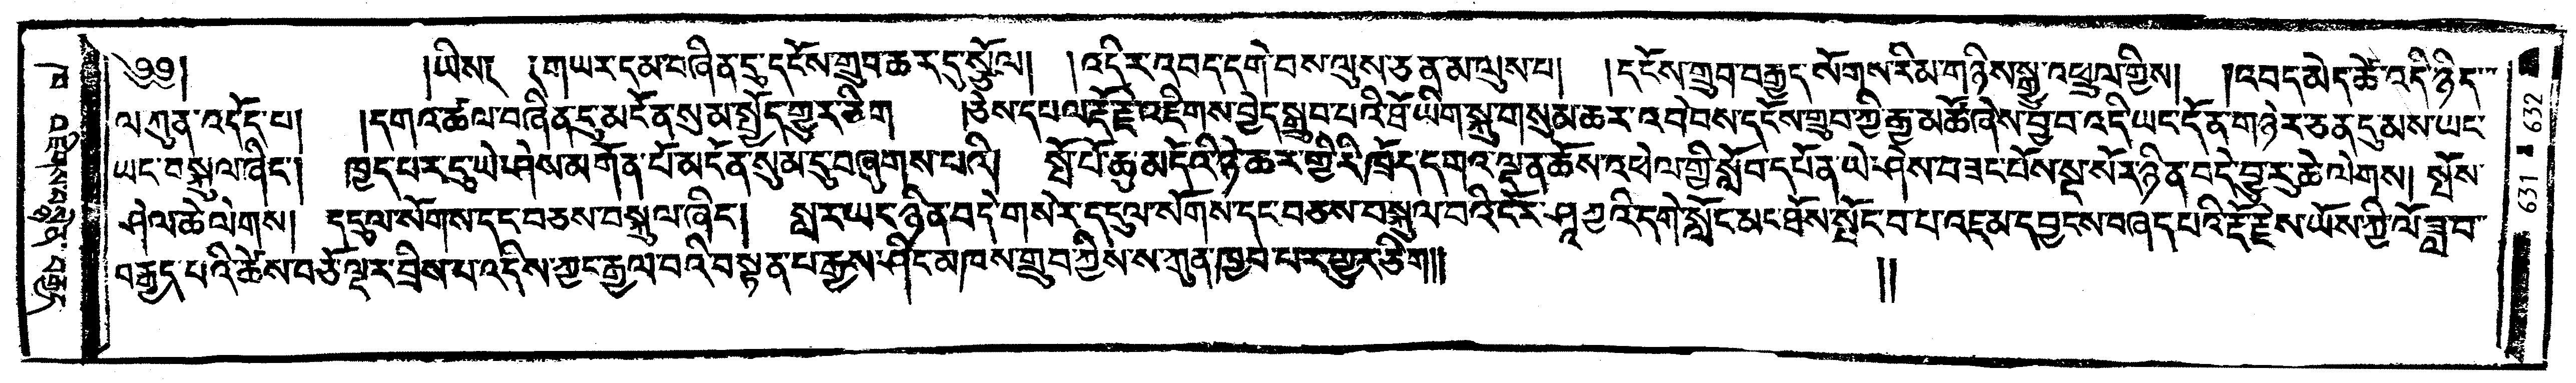༄༅། །ཡིས༑ ༑གཡར་དམ་བཞིན་དུ་དངོས་གྲུབ་ཆར་དུ་སྩོལ། །འདིར་འབད་དགེ་བས་ལུས་ཅན་མ་ལུས་པ། །དངོས་གྲུབ་བརྒྱད་སོགས་རིམ་གཉིས་སྒྱུ་འཕྲུལ་གྱིས། །འབད་མེད་ཚེ་འདི་ཉིད་
ལ་ཀུན་འདོད་པ། །དགའ་ཚལ་བཞིན་དུ་མངོན་སུམ་སྤྱོད་གྱུར་ཅིག །ཅེས་དཔལ་རྡོ་རྗེ་འཇིགས་བྱེད་སྒྲུབ་པའི་ཐོ་ཡིག་སྐུ་གསུམ་ཆར་འབེབས་དངོས་གྲུབ་ཀྱི་རྒྱ་མཚོ་ཞེས་བྱ་བ་འདི་ཡང་དོན་གཉེར་ཅན་དུ་མས་ཡང་
ཡང་བསྐུལ་ཞིང་། ཁྱད་པར་དུ་ཡེ་ཤེས་མགོན་པོ་མངོན་སུམ་དུ་བཞུགས་པའི། སྤོ་པོ་ཆུ་མདོའི་ཉེ་ཆར་གྱི་རི་ཁྲོད་དགའ་ལྡན་ཆོས་འཕེལ་གྱི་སློབ་དཔོན་ཡེ་ཤེས་བཟང་པོས་སྔ་སོར་ཉིན་བདེ་བྱུ་རུ་ཆེ་ལེགས། སྤོས་
ཤེལ་ཆེ་ལེགས། དངུལ་སོགས་དང་བཅས་བསྐུལ་ཞིང་། སླར་ཡང་ཉིན་བདེ་གསེར་དངུལ་སོགས་དང་བཅས་བསྐུལ་བའི་ངོར་ཤཱཀྱའི་དགེ་སློང་མང་ཐོས་སྤོང་བ་པ་འཇམ་དབྱངས་བཞད་པའི་རྡོ་རྗེས་ཡོས་ཀྱི་ལོ་ཟླ་བ་
བརྒྱད་པའི་ཚེས་བཅོ་ལྔར་བྲིས་པ་འདིས་ཀྱང་རྒྱལ་བའི་བསྟན་པ་རྒྱས་ཤིང་མཁས་གྲུབ་ཀྱིས་ས་ཀུན་ཁྱབ་པར་གྱུར་ཅིག།། །།